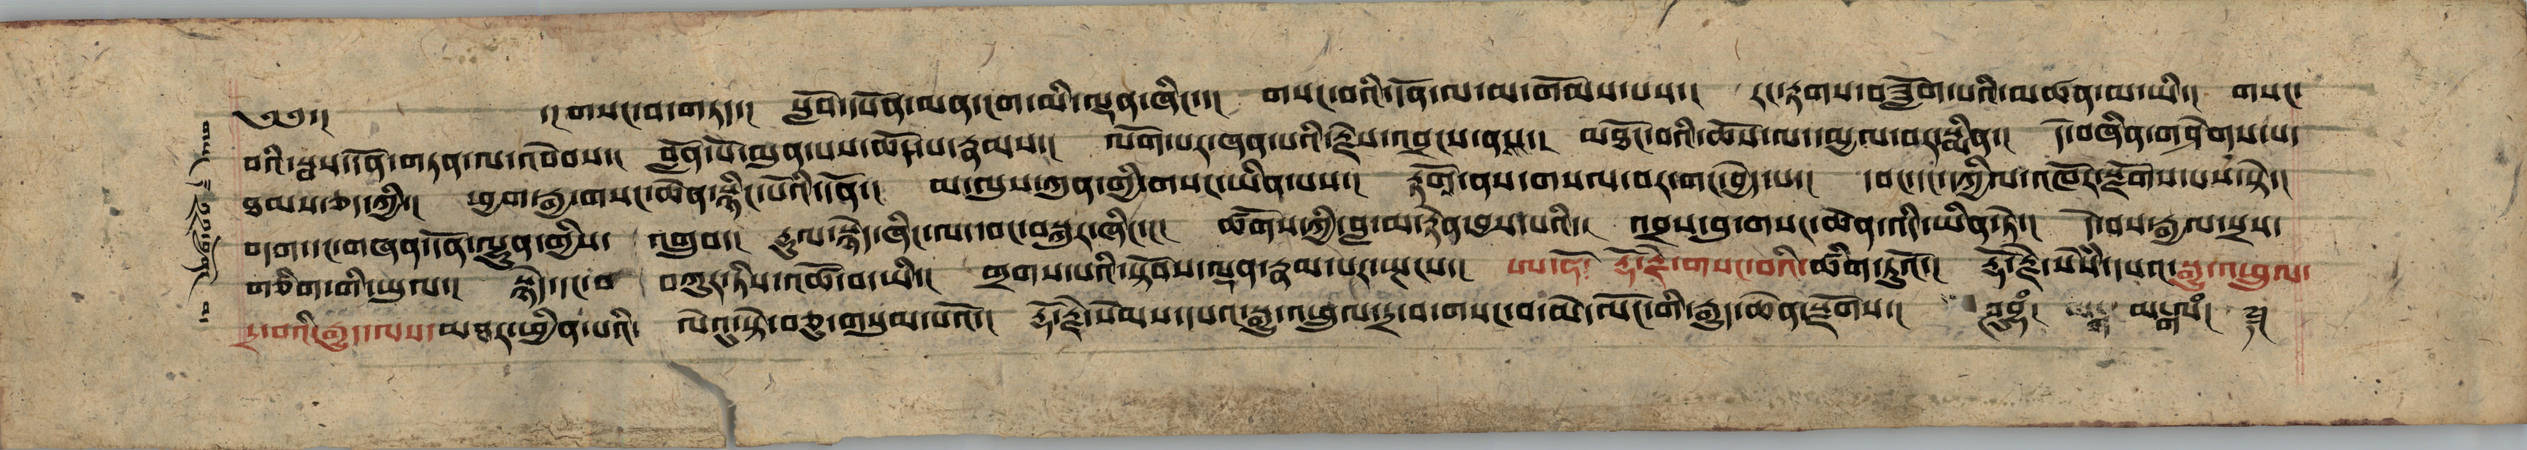༄༅་། ་།གསང་བ་གཏད་། སློབ་དཔོན་མན་ངག་མི་ལྡན་ཞིང་་། གསང་བའི་དོན་ལ་མ་གོམས་པས་། རང་རྟགས་བཟློག་པའི་མཚན་མ་ཡི་། གསང་
བའི་སྦས་དོན་གཏན་ལ་འབེབས་། བློན་པོ་མུན་པས་ཆོད་པ་རྣམས་། ལོག་པར་ཞན་པའི་རྗེས་འབྲངས་ནས་། མཐོང་བའི་ཆོས་ལ་དམྱལ་བར་སྨིན་། དེ་བཞིན་གཤེགས་པ་
ཐམས་ཅད་ཀྱི་། ཕྱག་རྒྱ་གསང་ཆེན་སྙིང་པོའི་དོན་། མ་ལུས་ཀུན་གྱི་གསང་ཡིན་པས་། རྟོག་ནས་གསལ་བར་གང་བྱེད་པ་། དབང་དང་དཀྱིལ་འཁོར་སྫོགས་པས་སྟེ་།
བདག་དང་གཞན་དོན་ལྷུན་གྱིས་ འགྲུབ་། རྡུལ་སྙེད་ཞིང་ལ་དབང་བསྐུར་ཞིང་།།། ཚོགས་ཀྱི་བླ་མ་རྟེན་བྱས་པའི་། འབྲས་བུ་གསང་ཆེན་འདི་ཡིན་ཏེ་། དེ་བས་རྒྱལ་སྲས་
གཅིག་གི་ཡུལ་། སྙེད་དང་ བཀུར་ཏིས་འཚོ་བ་ཡི་། གྲགས་པའི་སྟོབས་ལྡན་རྣམ་པར་སྤངས་། ཨ་ཧོ་ རྡོ་རྗེ་གསང་བའི་ཚིག་ཏུའོ་། རྡོ་རྗེ་སེཾས་དཔའ་སྒྱུ་འཕྲུལ་
དྲ་བའི་རྒྱུད་ལས་མཐར་ཕྱིན་པའི་ ལེའུ་སྟེ་བཅུ་གསུམ་པའོ་། རྡོ་རྗེ་སེམས་དཔའ་སྒྱུ་འཕྲུལ་དྲ་བ་གསང་བ་མེ་ལོང་གི་རྒྱུད་ཆེན་སྫོགས་། ཤུབྷཾ། མངྒལཾ།